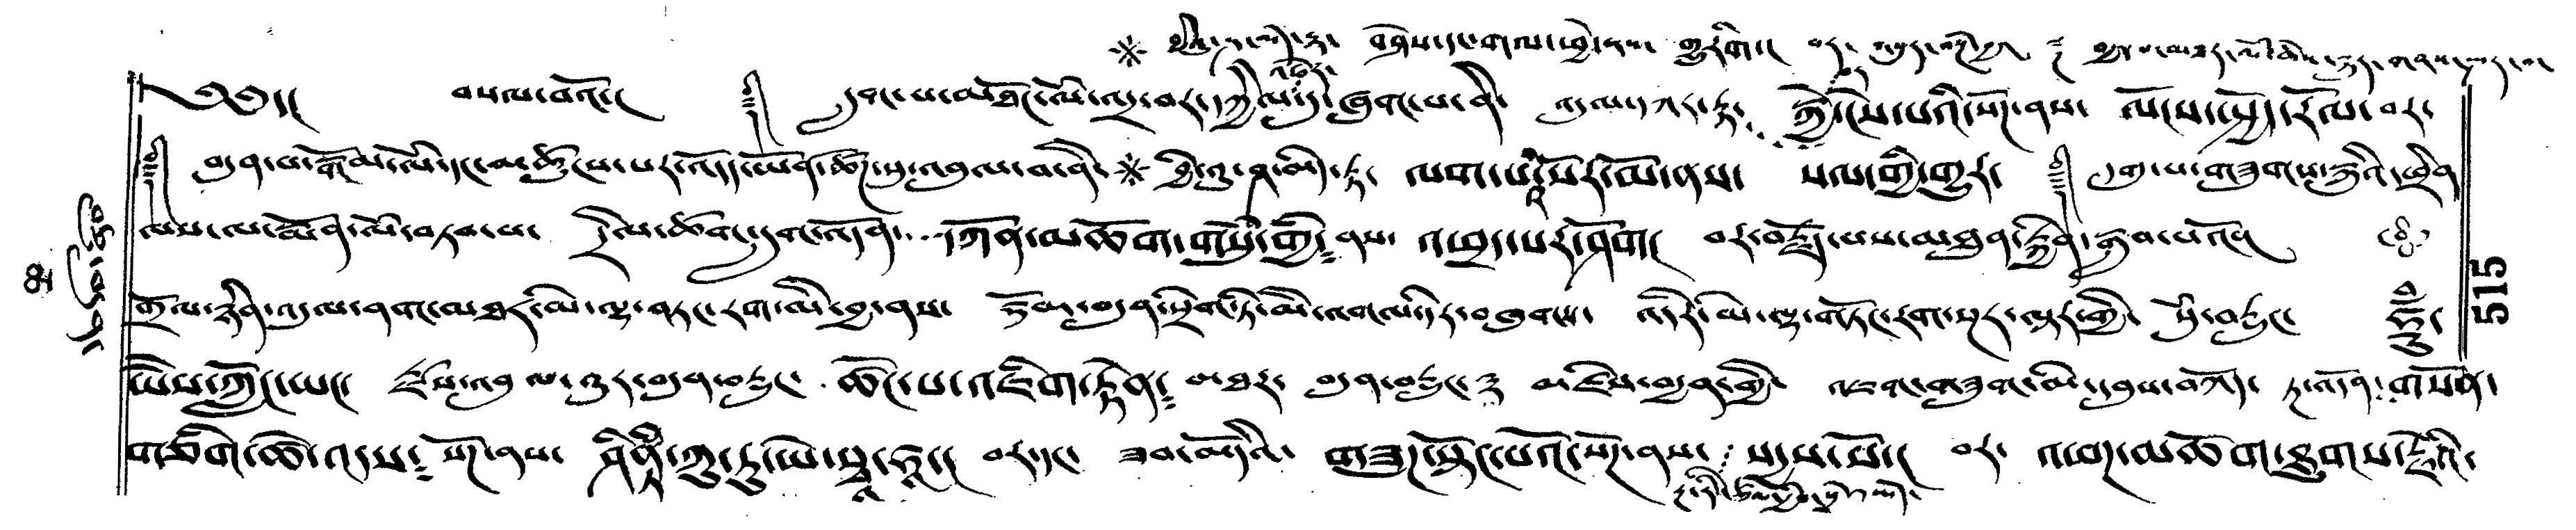བསལ་བའོ། ༈ དྲུག་པ་མཐོང་ལམ་དང་འདྲ་བར་དཀྱིལ་འཁོར་དུག་ཞུག་པ་ནི། སྐྱེ་ངེས་པའི༴ སོགས་ནས། ལོངས་སྤྱོད་རོལ༴ བར། 
 བདུན་པ་སྒོམ་ལམ་དང་མཚུངས་པར་འདོད་ཡོན་ཚོགས་སུ་འབུལ་བ་ནི། ( བྱིའུ་ཤ་མེ་རྟ། ) བཤོས་དང་གལ་ཕྱེ༴ ནས། གྱུར་ཅིག བར། གསུར་བསྔོ་བྱ། ༈ བརྒྱད་པ་མཐར་ལམ་ཆོས་སྐུར་གནས་སྤར་བ་ནི། ( བྱེ་འུ་ཤ་མེད་རྟ། ) ལག་པའི་སོར་མོ༴ ནས། སལ་གྱི་གྱུར། ༈ དགུ་པ་གཟུགས་སྐུའི་ཕྲིན་
ལས་ལ་སྨོན་ལམ་འདེབས་པ། དཀོན་མཆོག་གསུམ་གྱི༴ ནས། འཕྲད་པར་ཤོག བར་བརྗོད་པས་མཐུན་རྐྱེན་སྒྲུབ་པའོ། ༈ 
གྲོལ་ཉིན་འདུལ་ནག་མཐར་མེ་ལྷ་བཏང་རག་མི་བྱ་བར། ཧོམ་བདུན་སྲེགས་ཏེ་མེ་འགལ་དེར་གཞུག དེ་ནས་མེ་ལྷ་གཏང་རག་སྔར་ལྟ་བྱ། ( སུམ་བརྡུང་། ) ཧཱུྃ། 
ཡེ་ཤེས་ཀློང་ཡངས༴ རྫས་འབུལ་ ( འུར་བདུན་བརྡུང་། ) ཚངས་པ་འཇིག་རྟེན༴ མཐར། ( བདུན་བརྡུང་གསུམ། ) མཛེས་བརྒྱན་གྱི། འཇག་གཟུགས་མེ་དབུས་བཀོད། གསོན་
ཅིག་ཚེ་འདས༴ སོགས་ནས། ཤནྟིཾ་ཀུ་རུ་ཡེ་སྭཱ་ཧཱ། བར་དང་། ཟབ་མདོའི། གཟུགས་སྟོང་པའོ༴ སོགས་ནས། ( རྔ་རེ་རེ་ཙམ་རྒྱེབ་སྲོད་ཡོད། ) སངས་རྒྱས་སོ། བར། འཕགས་མཆོག་ཐུགས་རྗེ༴